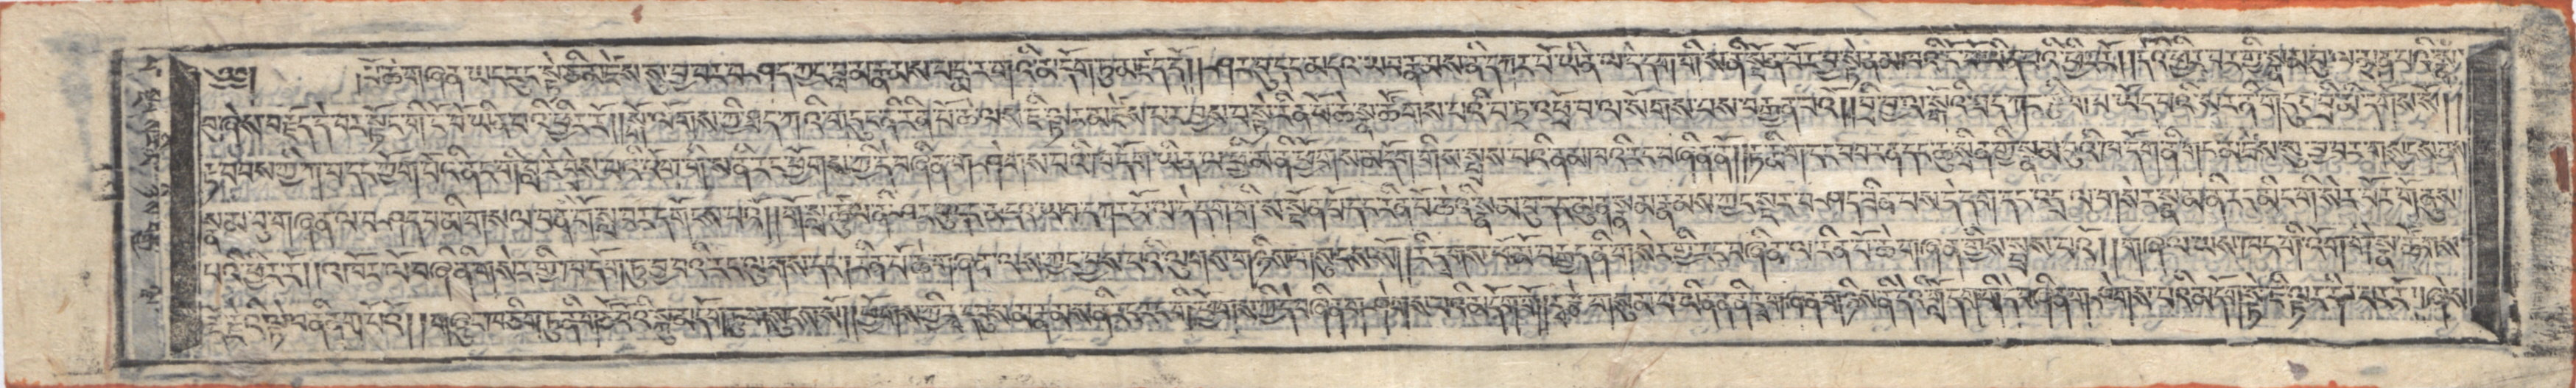༄༅། །པོ་ཆེ་གཞན་ཡང་རུང་སྟེ་ཅི་མཛེས་སུ་བྱ་བར་བཤད་ཀྱང་བླ་མ་རྣམས་པདམ་ར་གའི་མདོག་ཏུ་མཛད་དོ། །ཤར་བུ་དང་མདའ་ཡབ་རྣམས་ནི་དཀར་པོ་ཡིན་ལ་དེ་དག་གི་ས་ནི་སྔོན་པོར་བྱ་སྟེ་ནམ་མཁའི་ངོ་བོ་ཡིན་པའི་ཕྱིར་རོ། །དེའི་ཕྱིར་བར་གྱི་སྣམ་བུ་ལ་མུན་པའི་སྣཾ་
བུ་ཞེས་བརྗོད་དེ་བར་སྟོང་གི་ངོ་བོ་ཡིན་པའི་ཕྱིར་རོ། །སྒོ་ལོགས་ཀྱི་ཐད་ཀའི་གདུང་ནི་རིན་པོ་ཆེ་ལས་ཇི་ལྟར་མཛེས་པར་བྱས་པ་སྟེ་རིན་པོ་ཆེ་སྣ་ཚོགས་པའི་པ་ཏྲ་འཕྲོ་བ་ལ་སོགས་པས་བརྒྱན་པའོ། །བྲི་བྱ་ལ་སྒོའི་ཐད་ཀར་རྩིག་པ་ཡོད་པའི་སར་ནི་གདུང་བྲི་མི་དགོས་སོ། །
རྟ་བབས་ཀྱི་ཀ་བ་དང་ཀྱོག་པོའི་ནང་གི་བླ་རེ་བྲེས་པའི་འོག་གི་ས་ནི་རང་ཕྱོགས་ཀྱི་དེ་བཞིན་གཤེགས་པའི་ཁ་དོག་ཡིན་ལ་ཕྱི་མ་ནི་ཕྱོགས་མདོག་གིས་སྤྲས་པའི་ནམ་མཁའི་རང་བཞིན་ནོ། །རྟ་རྨིག་དང་བབ་རན་དང་ཆུ་སྲིན་གྱི་སྣམ་བུའི་ཁ་དོག་ནི་གང་མཛེས་སུ་བྱ་བར་གསུངས་ནས་
སྣམ་བུ་གཞན་ལ་བཤད་པ་མི་གསལ་བ་ནི་གོ་སླ་བར་དགོངས་པའོ། །གོ་སླ་ཚུལ་ནི་ཤར་བུ་དང་མདའ་ཡབ་དཀར་པོ་ལ་དེ་དག་གི་ས་སྔོན་པོ་དང་རིན་པོ་ཆེའི་སྣམ་བུ་དང་མུན་སྣམ་རྣམས་ཀྱང་སྔར་བཤད་ཟིན་པས་དེ་དག་དང་འདྲ་ལ་གསེར་སྣམ་ནི་རང་མིང་གི་སེར་པོར་གོ་ནུས་
པའི་ཕྱིར་རོ། །འཁོར་ལོ་བཞི་ནི་གསེར་གྱི་ཁ་དོག་ཏུ་བྱ་བའི་རང་ལུགས་དང་། རིན་པོ་ཆེ་གཞན་ལས་ཀྱང་བྱས་པའི་ལུགས་གཉིས་གསུངས་སོ། །རི་དྭགས་ཕོ་མོ་བརྒྱད་ནི་གསེར་གྱི་རང་བཞིན་ལ་རིན་པོ་ཆེ་གཞན་གྱིས་སྤྲས་པའོ། །གཞལ་ཡས་ཁང་གི་འོག་གི་སྣ་ཚོགས་
རྡོ་རྗེའི་ལྟེ་བ་ནི་ནག་པོའོ། །གཞུང་ཁ་ཅིག་ཏུ་ནི་གཙོ་བོའི་སྐུ་མདོག་ཏུ་གསུངས་སོ། །ཕྱོགས་ཀྱི་རྭ་དབུས་མ་རྣམས་ནི་རང་རང་གི་ཕྱོགས་ཀྱི་དེ་བཞིན་གཤེགས་པའི་མདོག་གོ །རྭ་རྩེ་གསུམ་པ་ཡིན་ན་ནི་རྭ་གཞན་གཉིས་ནི་དེའི་གློ་དག་གི་དེ་བཞིན་གཤེགས་པའི་མདོག་སྟེ་ཇི་ལྟར་རིགས་པར་རོ། །ཞེས་